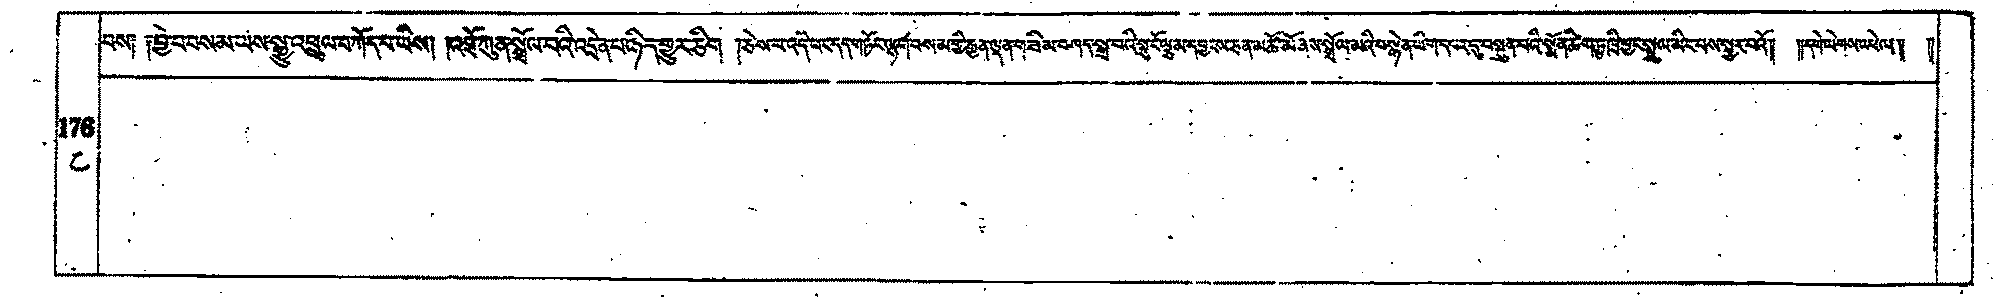བས༑ ༑བྱེ་བ་བསམ་ཡས་སྒྱུ་འཕྲུལ་བཀོད་པ་ཡིས། །འགྲོ་ཀུན་སྒྲོལ་བའི་འདྲེན་པ་ཉིད་གྱུར་ཅིག །ཅེས་པ་འདི་ཡང་དད་གཏོང་ལྷག་བསམ་གྱི་རྒྱན་ལྡན་གཟིམ་བཤད་སྒྲ་བའི་སྐུ་ངོ་ལྕམ་དབྱངས་ཅན་མཚོ་མོ་ནས་སྒྲོལ་མའི་བསྙེན་ཡིག་དཔར་དུ་བསྐྲུན་པའི་སྨོན་ཚིག་ཏུ་ཁྲི་བྱང་སྤྲུལ་མིང་པས་སྦྱར་བའོ།། །།དགེ་ལེགས་འཕེལ།། །།